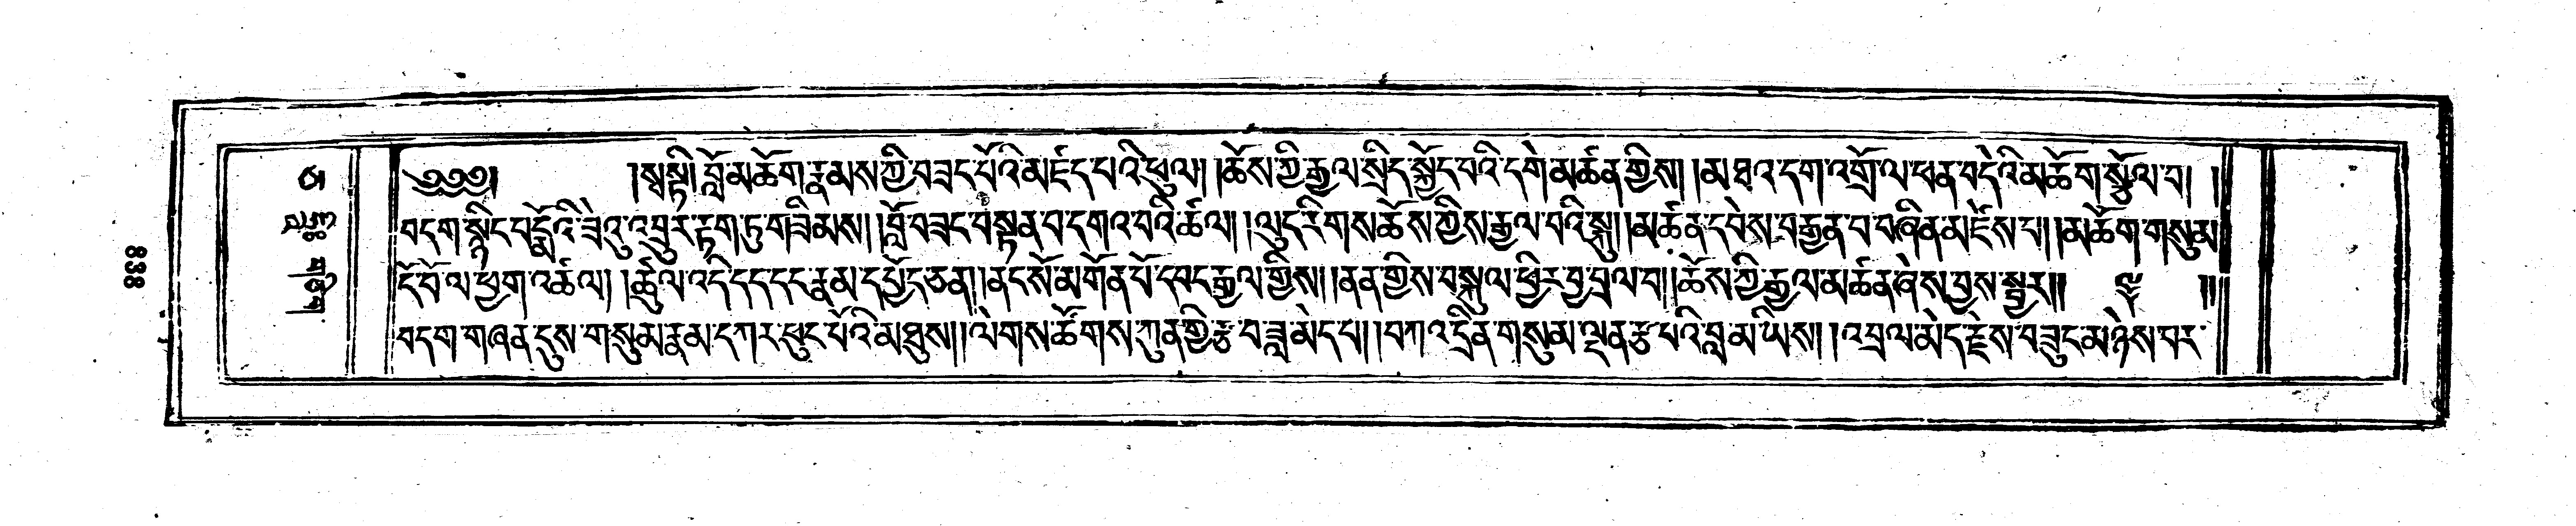༄༅༅། །སྭསྟི། བློ་མཆོག་རྣམས་ཀྱི་བཟང་པོའི་མཛད་པའི་ཕུལ། །ཆོས་ཀྱི་རྒྱལ་སྲིད་སྐྱོང་བའི་དགེ་མཚན་གྱིས། །མཐའ་དག་འགྲོ་ལ་ཕན་བདེའི་མཆོག་སྩོལ་བ། །
བདག་སྙིང་པདམོའི་ཟེའུ་འབྲུར་རྟག་ཏུ་གཟིམས། །བློ་བཟང་བསྟན་པ་དགའ་བའི་ཚལ། །ལུང་རིགས་ཆོས་ཀྱིས་རྒྱལ་བའི་སྐུ། །མཚན་དཔེས་བརྒྱན་པ་བཞིན་མཛེས་པ། །མཆོག་གསུམ་
ངོ་བོ་ལ་ཕྱག་འཚལ། །ཚུལ་འདི་དད་དང་རྣམ་དཔྱོད་ཅན། །ནང་སོ་མགོན་པོ་དབང་རྒྱལ་གྱིས། །ནན་གྱིས་བསྐུལ་ཕྱིར་བྱ་བྲལ་བ། །ཆོས་ཀྱི་རྒྱལ་མཚན་ཞེས་བྱས་སྦྱར།། ༈ །།
བདག་གཞན་དུས་གསུམ་རྣམ་དཀར་ཕུང་པོའི་མཐུས། །ལེགས་ཚོགས་ཀུན་གྱི་རྩ་བ་ཟླ་མེད་པ། །བཀའ་དྲིན་གསུམ་ལྡན་རྩ་བའི་བླ་མ་ཡིས། །འབྲལ་མེད་རྗེས་བཟུང་མཉེས་པར་